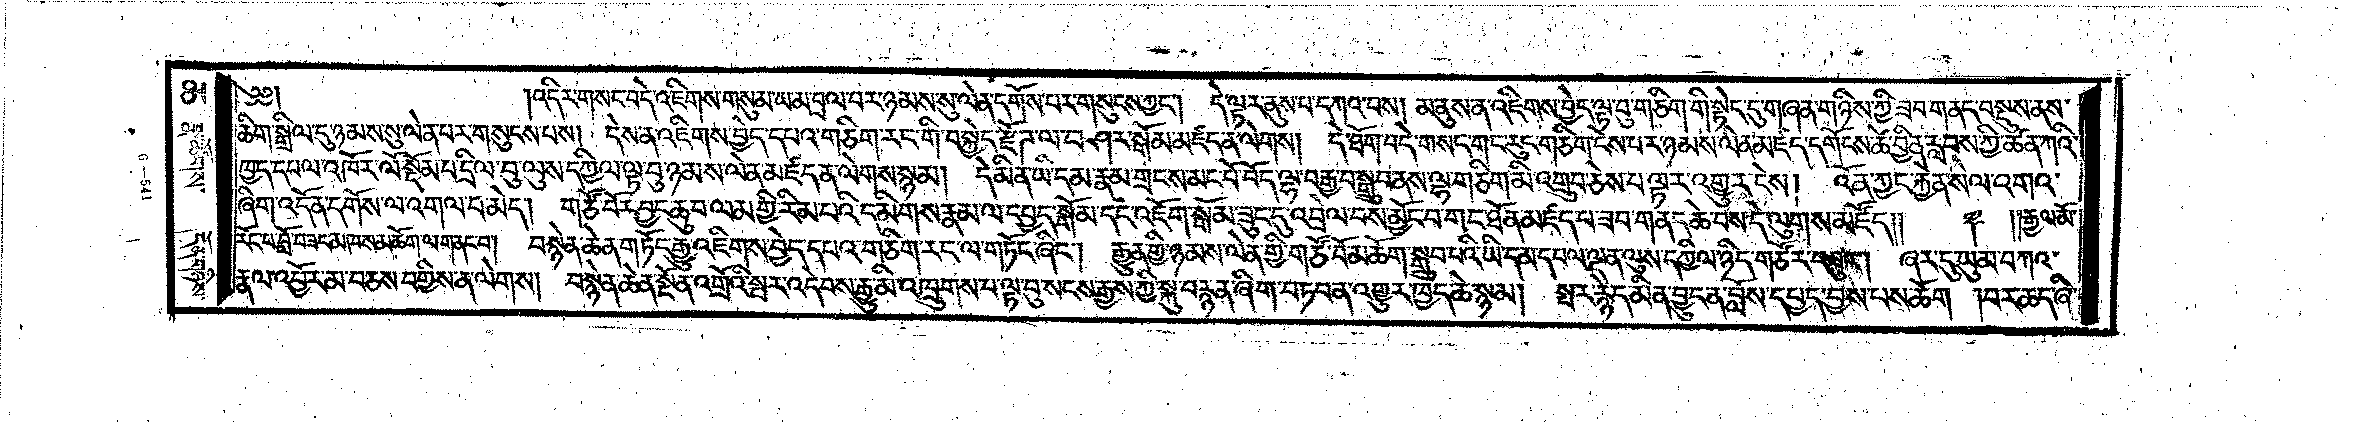༄༅། །འདིར་གསང་བདེ་འཇིགས་གསུམ་ཡ་མ་བྲལ་བར་ཉམས་སུ་ལེན་དགོས་པར་གསུངས་ཀྱང་། དེ་ལྟར་ནུས་པ་དཀའ་བས། མ་ནུས་ན་འཇིགས་བྱེད་ལྟ་བུ་གཅིག་གི་སྟེང་དུ་གཞན་གཉིས་ཀྱི་ཟབ་གནད་བསྡུས་ནས་
ཆིག་སྒྲིལ་དུ་ཉམས་སུ་ལེན་པར་གསུངས་པས། དེས་ན་འཇིགས་བྱེད་དཔའ་གཅིག་རང་གི་བསྐྱེད་རྫོཌ་ལ་བཤར་སྒོམ་མཛད་ན་ལེགས། དེ་ཐོག་བདེ་གསང་གང་རུང་གཅིག་ངེས་པར་ཉམས་ལེན་མཛད་དགོངས་ཚེ་བྱིན་རླབས་ཀྱི་ཚན་ཀའི་
ཁྱད་དཔལ་འཁོར་ལོ་སྡོམ་པ་དྲིལ་བུ་ལུས་དཀྱིལ་ལྟ་བུ་ཉམས་ལེན་མཛད་ན་ལེགས་སྙམ། དེ་མིན་ཡི་དམ་རྣམ་གྲངས་མང་བོ་བོད་ལྷ་བརྒྱ་བསྒྲུབ་ནས་ལྷ་གཅིག་མི་འགྲུབ་ཅེས་པ་ལྟར་འགྱུར་ངེས། འོན་ཀྱང་རྐྱེན་སེལ་འགའ་
ཞིག་འདོན་དགོས་ལ་འགལ་བ་མེད། གཙོ་བོར་བྱང་ཆུབ་ལམ་གྱི་རིམ་པའི་དམིགས་རྣམ་ལ་དཔྱད་སྒོམ་དང་འཇོག་སྒོམ་ཟུང་དུ་འབྲེལ་བས་མྱོང་བ་གང་ཐོན་མཛད་པ་ཟབ་གནད་ཆེ་བས་དེ་ལུགས་མཛོད།། ༈ །།རྒྱལ་མོ་
རོང་པ་བློ་བཟང་མཁས་མཆོག་ལ་གནང་བ།  བསྙེན་ཆེན་གཏོང་རྒྱུ་འཇིགས་བྱེད་དཔའ་གཅིག་རང་ལ་གཏོང་ཞིང་། རྒྱུན་གྱི་ཉམས་ལེན་གྱི་གཙོ་བོ་མཆོག་སྒྲུབ་པའི་ཡི་དམ་དཔལ་ལྡན་ལུས་དཀྱིལ་ཉིད་གཙོར་བཟུང་། ཞར་དུ་ཡུམ་བཀའ་
ཕ༹རྣལ་འབྱོར་མ་བཅས་བགྱིས་ན་ལེགས། བསྙེན་ཆེན་སྔོན་འགྲོའི་སྦར་འདེབས་རྒྱུ་མི་འཁྲུགས་པ་ལྟ་བུ་སངས་རྒྱས་ཀྱི་སྐུ་བརྙན་ཞིག་བཏབ་ན་འགྱུར་ཁྱད་ཆེ་སྙམ། སྤར་རྙེད་མིན་བྱུང་ན་བློས་དཔྱད་བྱས་པས་ཆོག །བར་ཆད་ཞི་